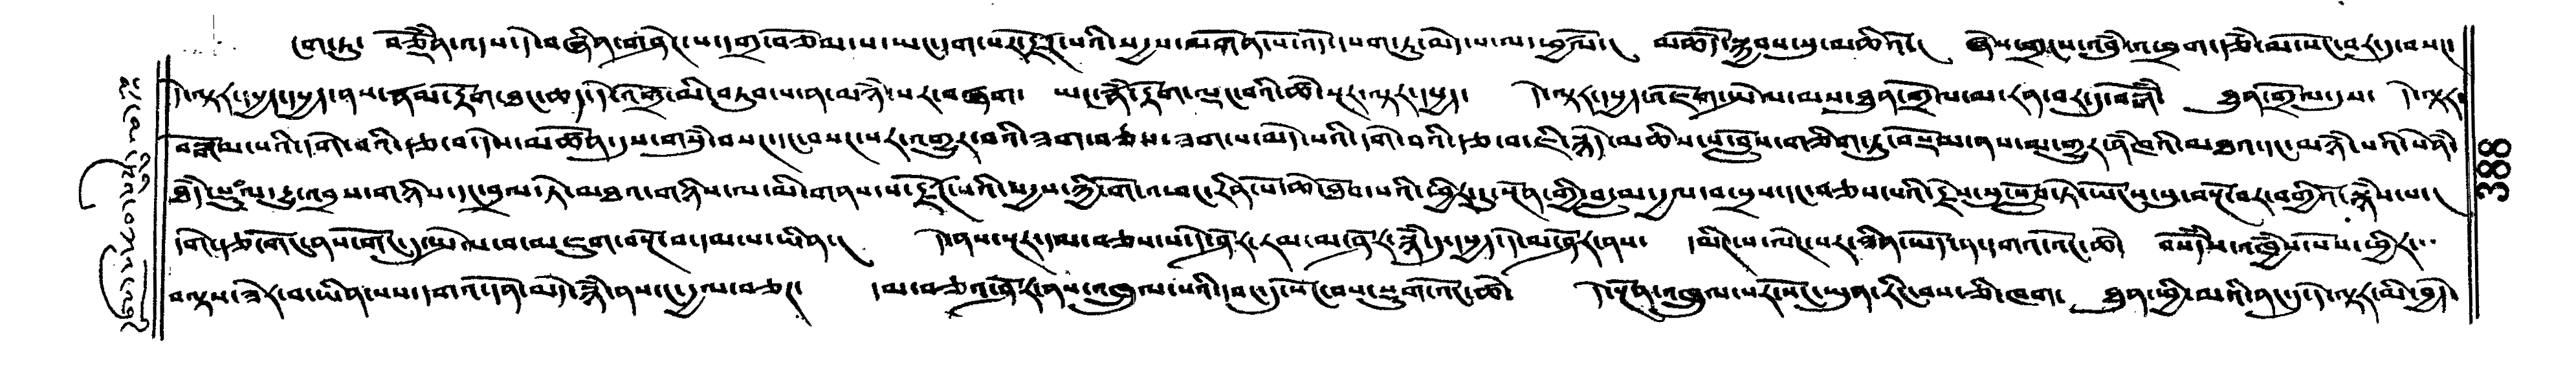ངག་ཏུ། བཅོམ་ལྡན་འདས་དེ་བཞིན་གཤེགས་པ་དགྲ་བཅོམ་པ་ཡང་དག་པར་རྫོགས་པའི་སངས་རྒྱས་མགོན་པོ་འོད་དཔག་ཏུ་མེད་པ་ལ་ཕྱག་འཚལ་ལོ། མཆོད་དོ་སྐྱབས་སུ་མཆིའོ། ཞེས་གྲངས་འབུམ་ཕྲག་ཙམ་མ་སོང་བར་དུ་བསགས། 
དེ་ལྟར་དཔྱད་དཔྱད་ནས་རྣམ་རྟོག་ཐང་ཆད་དེ་འགྲོ་མི་བཏུབ་པ་ན་མཉམ་པར་གཞག ཡང་རྣམ་རྟོག་ལྡང་བའི་ཚེ་སྔར་ལྟར་དཔྱད། དེ་ལྟར་དཔྱད་འཇོག་སྤེལ་མས་ཐུན་གྲོལ་མ་རན་བར་དུ་བསྒོམ། ཐུན་གྲོལ་དུས་ དེ་ལྟར་
བསྒོམས་པའི་དགེ་བའི་རྩ་བ་དེས་མཚོན་དུས་གསུམ་བསགས་དང་བསག་པར་འགྱུར་བའི་ཟག་བཅས་ཟག་པ་མེད་པའི་དགེ་བའི་རྩ་བ་ཇི་སྙེད་མཆིས་པ་བློས་གཅིག་ཏུ་བསྡོམས་ནས་མ་གྱུར་ནམ་མཁའི་མཐའ་དང་མཉམ་པའི་སེམས་ཅན་
ཐམས་ཅད་སྡུག་བསྔལ་རྒྱུ་འབྲས་གཉིས་དང་བྲལ་སྟེ་མཐའ་གཉིས་ལ་མི་གནས་པ་རྫོགས་པའི་སངས་རྒྱས་ཀྱི་གོ་འཕང་རིན་པོ་ཆེ་ཐོབ་པའི་ཕྱིར་དུ་སྔོན་གྱི་བླ་མ་རྒྱལ་བ་སྲས་དང་བཅས་པའི་རྗེས་སུ་བསླབས་ཏེ་ཡོངས་སུ་བསྔོ་བར་བགྱིའོ་སྙམ་པ་
དགེ་རྩ་གོང་ནས་གོང་དུ་སྤེལ་བ་མཇུག་བསྔོ་བ་དམ་པ་ཡིན། དེ་ནས་སྔར་དམ་བཅས་པ་དེ་ཤོར་རམ་མ་ཤོར་སྙམ་དུ་དཔྱད་དེ་མ་ཤོར་བར་ དམིགས་པ་ལེགས་པར་ཟིན་ནས་དགའ་འོང་ཚེ། བསོད་ནམས་འཁྱམས་པོས་ཕྱིར་
བལྟས་ཟེར་བ་ཡིན་པས་དགའ་དོན་མེད་སྙམ་ནས་ང་རྒྱལ་བཅག དམ་བཅའ་ཤོར་ནས་འཁྲུལ་པའི་དབང་དུ་སོང་བས་སྡུག་འོང་ཚེ། དེ་སྔོན་འཁྲུལ་པར་སོང་ཡུན་རིང་བས་ཅི་ཁག ཐུན་ཕྱི་མའི་ནང་དུ་དེ་ལྟར་མི་བྱེད་